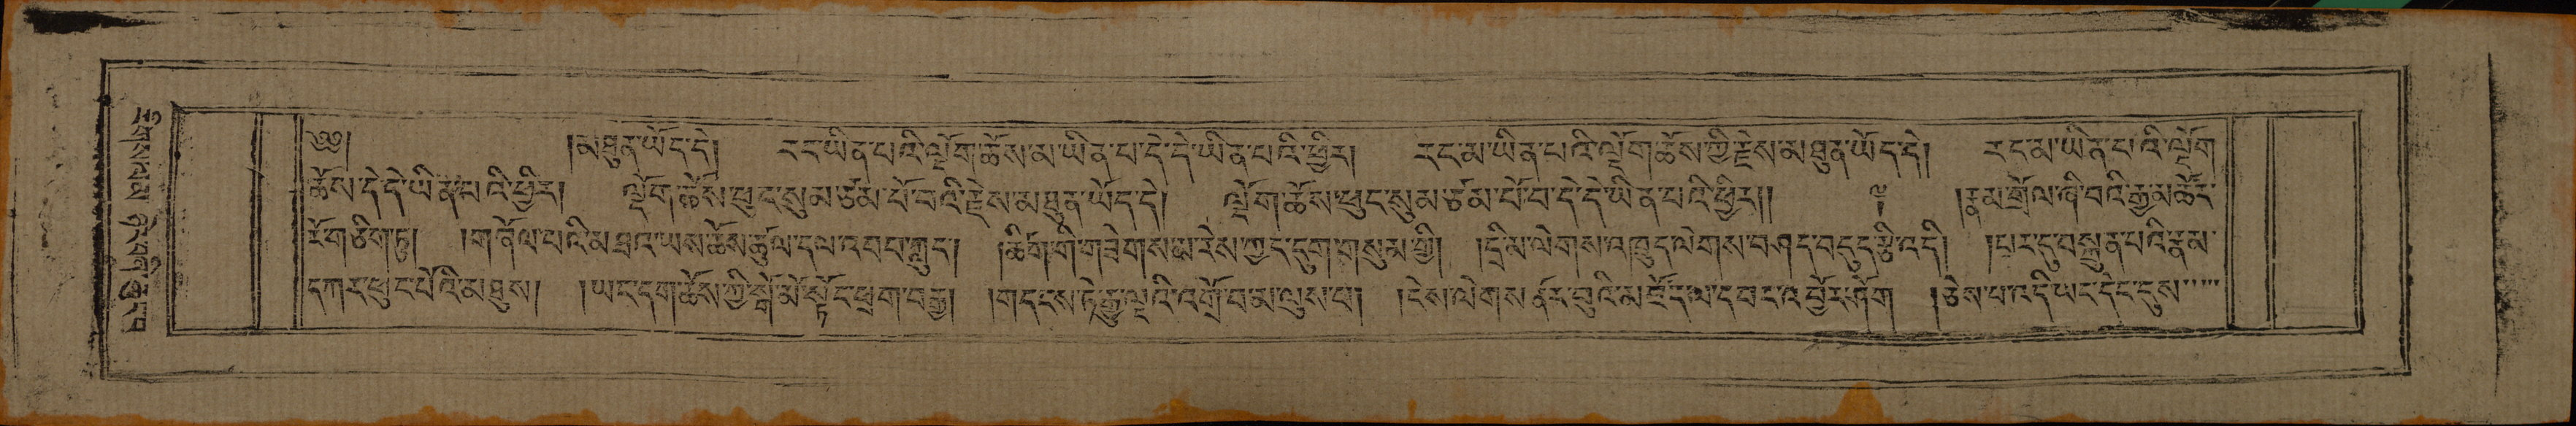༄༅། །མཐུན་ཡོད་དེ། རང་ཡིན་པའི་ལྡོག་ཆོས་མ་ཡིན་པ་དེ་དེ་ཡིན་པའི་ཕྱིར། རང་མ་ཡིན་པའི་ལྡོག་ཆོས་ཀྱི་རྗེས་མཐུན་ཡོད་དེ། རང་མ་ཡིན་པའི་ལྡོག་
ཆོས་དེ་དེ་ཡིན་པའི་ཕྱིར། ལྡོག་ཆོས་ཕུང་སུམ་ཙམ་པོ་བའི་རྗེས་མཐུན་ཡོད་དེ། ལྡོག་ཆོས་ཕུང་སུམ་ཙམ་པོ་བ་དེ་དེ་ཡིན་པའི་ཕྱིར།། ༈ །རྣམ་གྲོལ་ཞི་བའི་རྒྱ་མཚོར་
རོ་གཅིག་ཏུ། །གཞོལ་པའི་མཐའ་ཡས་ཆོས་ཚུལ་དལ་འབབ་ཀླུང་། །ཚིག་གི་གཟེགས་མ་རེས་ཀྱང་དུག་གསུམ་གྱི། །དྲི་མ་ལེགས་འཁྲུད་ལེགས་བཤད་བདུད་རྩི་འདི། །པར་དུ་བསྐྲུན་པའི་རྣམ་
དཀར་ཕུང་པོའི་མཐུས། །ཡང་དག་ཆོས་ཀྱི་སྒོ་མོ་སྟོང་ཕྲག་བརྒྱ། །གདངས་ཏེ་རྒྱུ་ལྔའི་འགྲོ་བ་མ་ལུས་པ། །ངེས་ལེགས་ནོར་བུའི་མཛོད་ལ་དབང་འབྱོར་ཤོག །ཅེས་པ་འདི་ཡང་དེང་དུས་